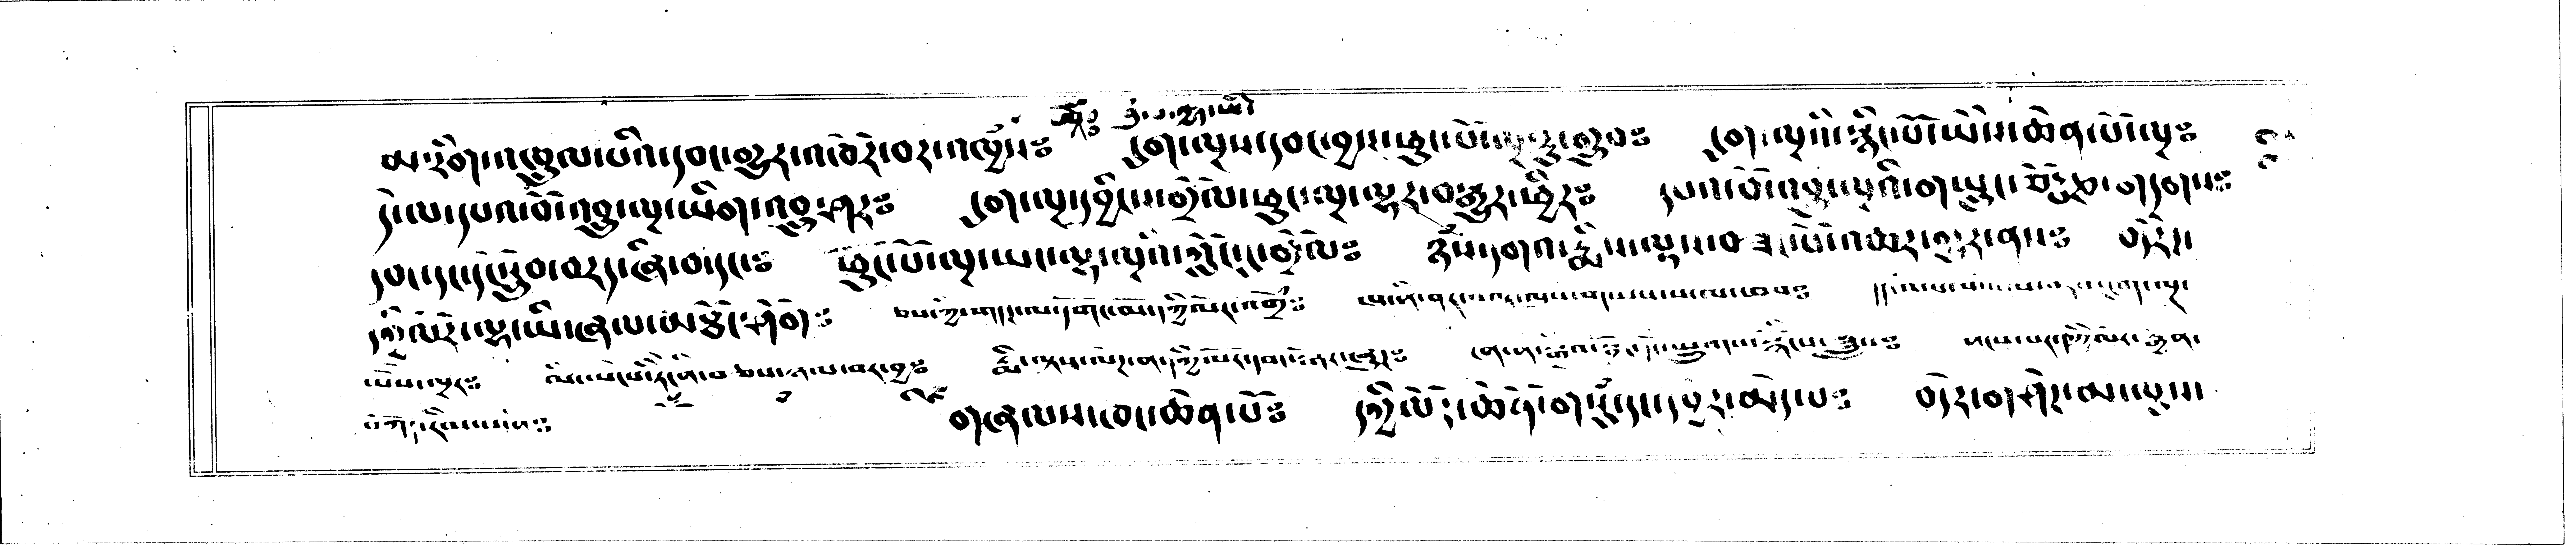མ་རིག་འཁྲུལ་པའི་དབང་གྱུར་འཁོར་བར་འཁྱམསཿ དུག་ལྔས་དབང་བྱས་ཕུང་པོ་ལྔ་རུ་གྲུབཿ དུག་ལྔའི་གཉེན་པོ་ཡེ་ཤེས་ཆེན་པོ་ལྔཿ 
དེ་ལ་དཔའ་བོ་འབྲུ་ལྔ་ཡིག་འབྲུ་ཤརཿ དུག་ལྔ་དབྱིངས་གྲོལ་ཕུང་པོ་ཕུང་ལྔ་ལྷར་བསྒྱུར་ཕྱིརཿ དཔའ་བོ་འབྲུ་ལྔའི་གཡུང་དྲུང་ཅོད་པཎ་གདགསཿ 
དབང་དང་དངོས་གྲུབ་བར་ཆད་ཞི་བ་དངཿ ཕུང་པོ་ལྔ་ཡང་ལྷ་ལྔའི་ཀློང་དུ་གྲོལཿ ཉམས་དགའ་རྨིས་ལྟས་བཟང་པོ་འཆར་གྱུར་ནསཿ བདེར་
དཀྱིལ་ལྷ་ཡི་ཞལ་མཐོང་ཤོགཿ ཅེས་ཀྱིས་གདགས་ལ་དགོངས་མོ་དཀྱིལ་འཁོར་འགྲམཿ ཁ་ནི་ཤར་ལྟ་ལུས་གཡས་ས་ལ་ཕབཿ དད་མོས་གསལ་བཏབ་དུག་ལྔ་
ཡེ་ཤེས་ལྔརཿ མི་ཡེངས་ཏིང་ངེ་འཛིན་བཅས་ཉལ་བར་བྱཿ རྨི་ལྟས་ལེགས་ན་དཀྱིལ་འཁོར་དབང་སྒོར་ཞུགསཿ ངག་ན་སྒྲིབ་སྦྱོང་དོང་སྤྲུགས་སྙིང་པོ་བཟླསཿ ནང་པར་དཀྱིལ་འཁོར་རྒྱན་
བཀོད་རིམ་པ་ལཿ ཨཱོྃཿ བུམ་པ་ལྷ་ཡི་གཞལ་ཡས་ཁང་ཆེན་པོཿ དཀྱིལ་འཁོར་ཆེན་པོ་གསུམ་དང་དབྱེར་མེད་པཿ བདེར་གཤེགས་མ་ལུས་